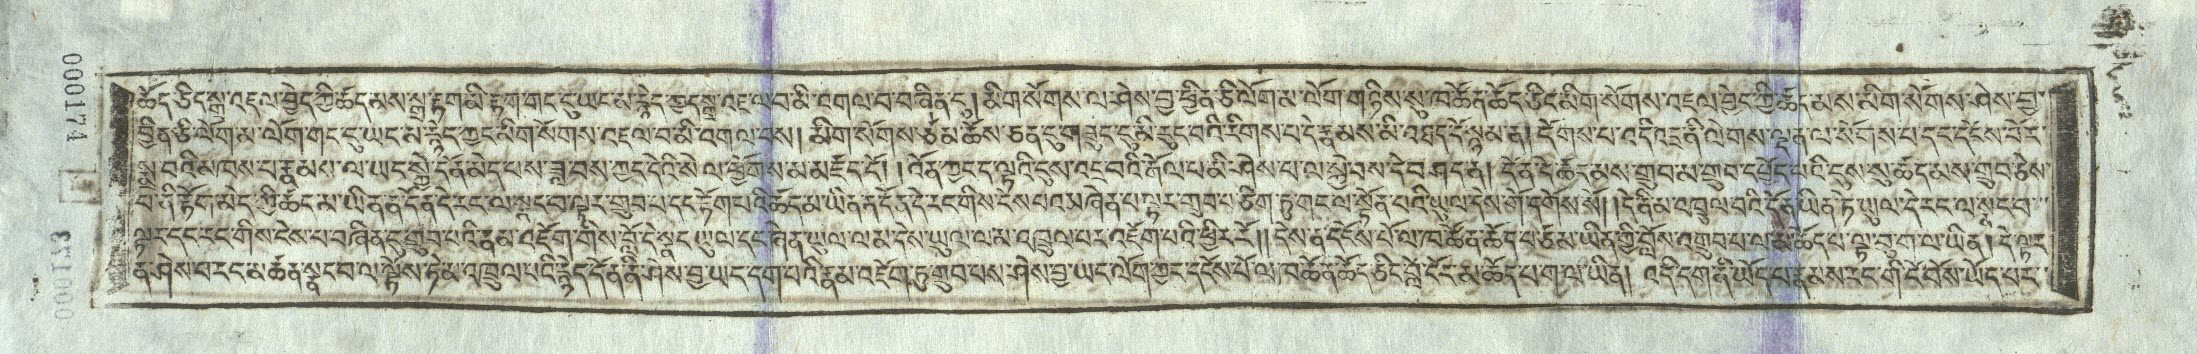ཆོད་ཅིང་སྒྲ་འཇལ་བྱེད་ཀྱི་ཚད་མས་སྒྲ་རྟག་མི་རྟག་གང་དུ་ཡང་མ་རྙེད་ཀྱང་སྒྲ་འཇལ་བ་མི་འགལ་བ་བཞིན་དུ། མིག་སོགས་ལ་ཤེས་བྱ་ཕྱིན་ཅི་ལོག་མ་ལོག་གཉིས་སུ་ཁ་ཚོན་ཆོད་ཅིང་མིག་སོགས་འཇལ་བྱེད་ཀྱི་ཚད་མས་མིག་སོགས་ཤེས་བྱ་
ཕྱིན་ཅི་ལོག་མ་ལོག་གང་དུ་ཡང་མ་རྙེད་ཀྱང་མིག་སོགས་འཇལ་བ་མི་འགལ་བས། མིག་སོགས་ཙམ་ཆོས་ཅན་དུ་གཟུང་དུ་མི་རུང་བའི་རིགས་པ་དེ་རྣམས་མི་འཐད་དོ་སྙམ་ན། དོགས་པ་འདི་འདྲ་ནི་ལེགས་ལྡན་ལ་སོགས་པ་དང་དངོས་པོར་
སྨྲ་བའི་མཁས་པ་རྣམས་ལ་ཡང་སྐྱེ་དོན་མེད་པས་ཟླ་བས་ཀྱང་དེའི་སེལ་ཕྱོགས་མ་མཛད་དོ། །འོན་ཀྱང་ད་ལྟའི་དུས་འདྲ་བའི་རྒོལ་བ་མི་ཤེས་པ་ལ་སྐྱེ་བས་དེ་བཤད་ན། དོན་དེ་ཚད་མས་གྲུབ་མ་གྲུབ་དཔྱོད་པའི་དུས་སུ་ཚད་མས་གྲུབ་ཅེས་
པ་ནི་རྟོག་མེད་ཀྱི་ཚད་མ་ཡིན་ན་དོན་དེ་རང་ལ་སྣང་བ་ལྟར་གྲུབ་པ་དང་རྟོག་པའི་ཚད་མ་ཡིན་ན་དོན་དེ་རང་གིས་ངེས་པའམ་ཞེན་པ་ལྟར་གྲུབ་པ་ཅིག་ཏུ་གང་ལ་སྟོན་པའི་ཡུལ་དེས་གོ་དགོས་སོ། །དེ་ནི་མ་འཁྲུལ་བའི་དོན་ཡིན་ཏེ་ཡུལ་དེ་རང་ལ་སྣང་བ་
ལྟར་དང་རང་གིས་ངེས་པ་བཞིན་དུ་གྲུབ་པའི་རྣམ་འཇོག་གིས་བློ་དེ་སྣང་ཡུལ་དང་ཞེན་ཡུལ་ལམ་དེས་ཡུལ་ལམ་འཁྲུལ་བར་འཇོག་པའི་ཕྱིར་རོ། །དེས་ན་དངོས་པོ་ལ་ཁ་ཚོན་ཆོད་པ་ཙམ་ཡིན་གྱི་བློས་འགྲུབ་པ་ལ་མཆོད་པ་ལྟ་བུ་ག་ལ་ཡིན། དེ་ལྟར་
ན་ཤེས་པ་རང་མཚན་སྣང་བ་ལ་ལྟོས་ཏེ་མ་འཁྲུལ་བའི་རྙེད་དོན་ནི་ཤེས་བྱ་ཡང་དག་པའི་རྣམ་འཇོག་ཏུ་གྲུབ་པས་ཤེས་བྱ་ཡང་ལོག་ཀྱང་དངོས་པོ་ལ་ཁ་ཚོན་ཆོད་ཅིང་བློ་ངོར་མཆོད་པ་ག་ལ་ཡིན། འདི་དག་ནི་ཡོད་པ་རྣམས་རང་གི་ངོ་བོས་ཡོད་པར་